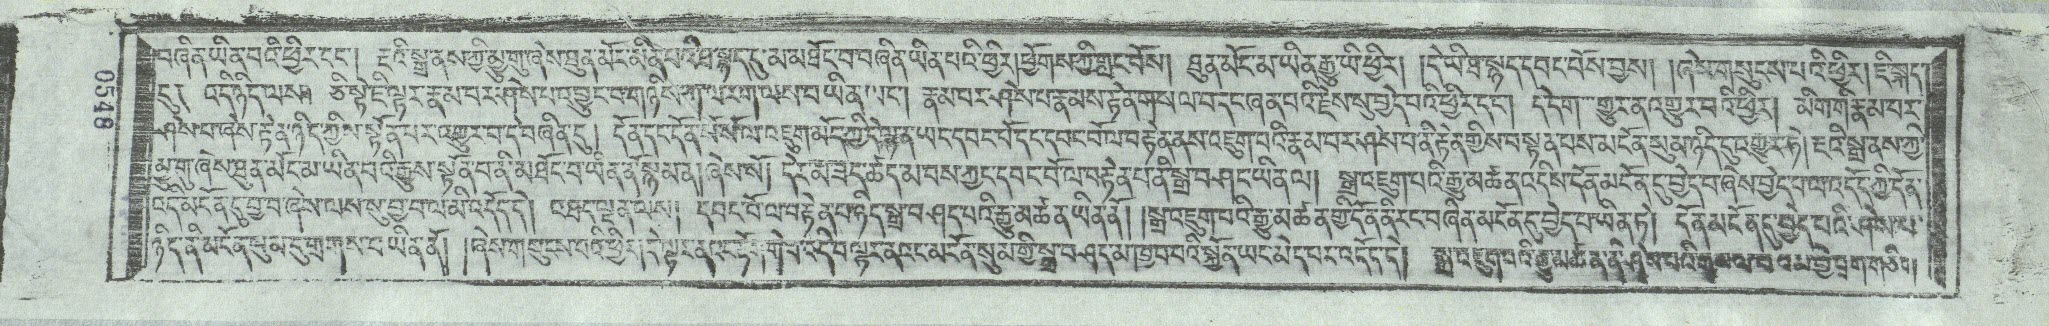བཞིན་ཡིན་པའི་ཕྱིར་དང་། རྔའི་སྒྲ་ནས་ཀྱི་མྱུ་གུ་ཞེས་ཐུན་མོང་མིན་པའི་ཐ་སྙད་དུ་མ་མཐོང་བ་བཞིན་ཡིན་པའི་ཕྱིར། ཕྱོགས་ཀྱི་གླང་བོས། ཐུན་མོང་མ་ཡིན་རྒྱུ་ཡི་ཕྱིར། །དེ་ཡི་ཐ་སྙད་དབང་པོས་བྱས། །ཞེས་གསུངས་པའི་ཕྱིར། ཇི་སྐད་
དུ༑ འདི་ཉིད་ལས། ཅི་སྟེ་ཇི་ལྟར་རྣམ་པར་ཤེས་པ་འབྱུང་བ་གཉིས་ཀ་ལ་རག་ལས་པ་ཡིན་ཡང་། རྣམ་པར་ཤེས་པ་རྣམས་རྟེན་གསལ་བ་དང་ཞན་པའི་རྗེས་སུ་བྱེད་པའི་ཕྱིར་དང་། དེ་དག་གྱུར་ན་འགྱུར་བའི་ཕྱིར། མིག་གི་རྣམ་པར་
ཤེས་པ་ཞེས་རྟེན་ཉིད་ཀྱིས་སྟོན་པར་འགྱུར་བ་དེ་བཞིན་དུ། དོན་དང་དོན་སོ་སོ་ལ་འཇུག་མོད་ཀྱི་དེ་ལྟ་ན་ཡང་དབང་པོ་དང་དབང་པོ་ལ་བརྟེན་ནས་འཇུག་པའི་རྣམ་པར་ཤེས་པ་ནི་རྟེན་གྱིས་བསྟན་པས་མངོན་སུམ་ཉིད་དུ་འགྱུར་ཏེ། རྔའི་སྒྲ་ནས་ཀྱི་
མྱུ་གུ་ཞེས་ཐུན་མོང་མ་ཡིན་པའི་རྒྱུས་སྟོན་པ་ནི་མཐོང་བ་ཡིན་ནོ་སྙམ་ན། ཞེས་སོ། དེར་མ་ཟད་ཚད་མ་པས་ཀྱང་དབང་པོ་ལ་བརྟེན་པ་ནི་སྒྲ་བཤད་ཡིན་ལ། སྒྲ་འཇུག་པའི་རྒྱུ་མཚན་འདིས་དོན་མངོན་དུ་བྱེད་པ་ཞེས་བྱེད་པ་ལ་འདོད་ཀྱི་དོན་
འདི་མངོན་དུ་བྱ་བ་ཞེས་ལས་སུ་བྱ་བ་ལ་མི་འདོད་དེ། འཐད་ལྡན་ལས། དབང་པོ་ལ་བརྟེན་པ་ཉིད་སྒྲ་བཤད་པའི་རྒྱུ་མཚན་ཡིན་ནོ། །སྒྲ་འཇུག་པའི་རྒྱུ་མཚན་གྱི་དོན་ནི་རང་བཞིན་མངོན་དུ་བྱེད་པ་ཡིན་ཏེ། དོན་མངོན་དུ་བྱེད་པའི་ཤེས་པ་
ཉིད་ནི་མངོན་སུམ་དུ་གྲགས་པ་ཡིན་ནོ། །ཞེས་གསུངས་པའི་ཕྱིར། དེ་ལྟར་ནའང་རྟོག་གེ་བ་འདི་བལྟར་ནའང་མངོན་སུམ་གྱི་སྒྲ་བཤད་མ་ཁྱབ་པའི་སྐྱོན་ཡང་མེད་པར་འདོད་དེ། སྒྲ་འཇུག་པའི་རྒྱུ་མཚན་ནི་ཤེས་པའི་གསལ་བའམ་བྱེ་བྲག་གཅིག་